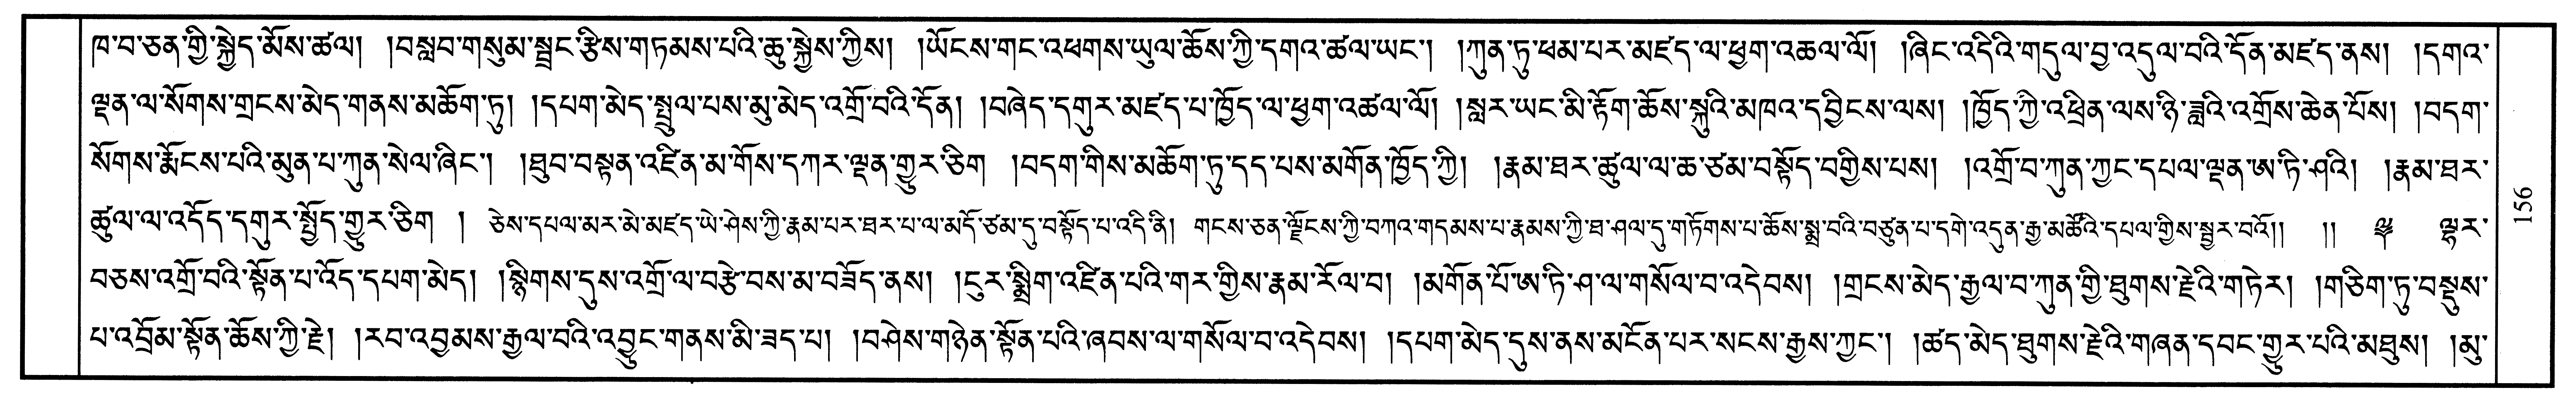ཁ་བ་ཅན་གྱི་སྐྱེད་མོས་ཚལ། །བསླབ་གསུམ་སྦྲང་རྩིས་གཏམས་པའི་ཆུ་སྐྱེས་ཀྱིས། །ཡོངས་གང་འཕགས་ཡུལ་ཆོས་ཀྱི་དགའ་ཚལ་ཡང་། །ཀུན་ཏུ་ཕམ་པར་མཛད་ལ་ཕྱག་འཚལ་ལོ། །ཞིང་འདིའི་གདུལ་བྱ་འདུལ་བའི་དོན་མཛད་ནས། །དགའ་
ལྡན་ལ་སོགས་གྲངས་མེད་གནས་མཆོག་ཏུ། །དཔག་མེད་སྤྲུལ་པས་མུ་མེད་འགྲོ་བའི་དོན། །བཞེད་དགུར་མཛད་པ་ཁྱོད་ལ་ཕྱག་འཚལ་ལོ། །སླར་ཡང་མི་རྟོག་ཆོས་སྐུའི་མཁའ་དབྱིངས་ལས། །ཁྱོད་ཀྱི་འཕྲིན་ལས་ཉི་ཟླའི་འགྲོས་ཆེན་པོས། །བདག་
སོགས་རྨོངས་པའི་མུན་པ་ཀུན་སེལ་ཞིང་། །ཐུབ་བསྟན་འཛིན་མ་གོས་དཀར་ལྡན་གྱུར་ཅིག །བདག་གིས་མཆོག་ཏུ་དད་པས་མགོན་ཁྱོད་ཀྱི། །རྣམ་ཐར་ཚུལ་ལ་ཆ་ཙམ་བསྟོད་བགྱིས་པས། །འགྲོ་བ་ཀུན་ཀྱང་དཔལ་ལྡན་ཨ་ཏི་ཤའི། །རྣམ་ཐར་
ཚུལ་ལ་འདོད་དགུར་སྤྱོད་གྱུར་ཅིག །ཅེས་དཔལ་མར་མེ་མཛད་ཡེ་ཤེས་ཀྱི་རྣམ་པར་ཐར་པ་ལ་མདོ་ཙམ་དུ་བསྟོད་པ་འདི་ནི། གངས་ཅན་ལྗོངས་ཀྱི་བཀའ་གདམས་པ་རྣམས་ཀྱི་ཐ་ཤལ་དུ་གཏོགས་པ་ཆོས་སྨྲ་བའི་བཙུན་པ་དགེ་འདུན་རྒྱ་མཚོའི་དཔལ་གྱིས་སྦྱར་བའོ།། །། ༈ ལྷར་
བཅས་འགྲོ་བའི་སྟོན་པ་འོད་དཔག་མེད། །སྙིགས་དུས་འགྲོ་ལ་བརྩེ་བས་མ་བཟོད་ནས། །ངུར་སྨྲིག་འཛིན་པའི་གར་གྱིས་རྣམ་རོལ་བ། །མགོན་པོ་ཨ་ཏི་ཤ་ལ་གསོལ་བ་འདེབས། །གྲངས་མེད་རྒྱལ་བ་ཀུན་གྱི་ཐུགས་རྗེའི་གཏེར། །གཅིག་ཏུ་བསྡུས་
པ་འབྲོམ་སྟོན་ཆོས་ཀྱི་རྗེ། །རབ་འབྱམས་རྒྱལ་བའི་འབྱུང་གནས་མི་ཟད་པ། །བཤེས་གཉེན་སྟོན་པའི་ཞབས་ལ་གསོལ་བ་འདེབས། །དཔག་མེད་དུས་ནས་མངོན་པར་སངས་རྒྱས་ཀྱང་། །ཚད་མེད་ཐུགས་རྗེའི་གཞན་དབང་གྱུར་པའི་མཐུས། །མུ་